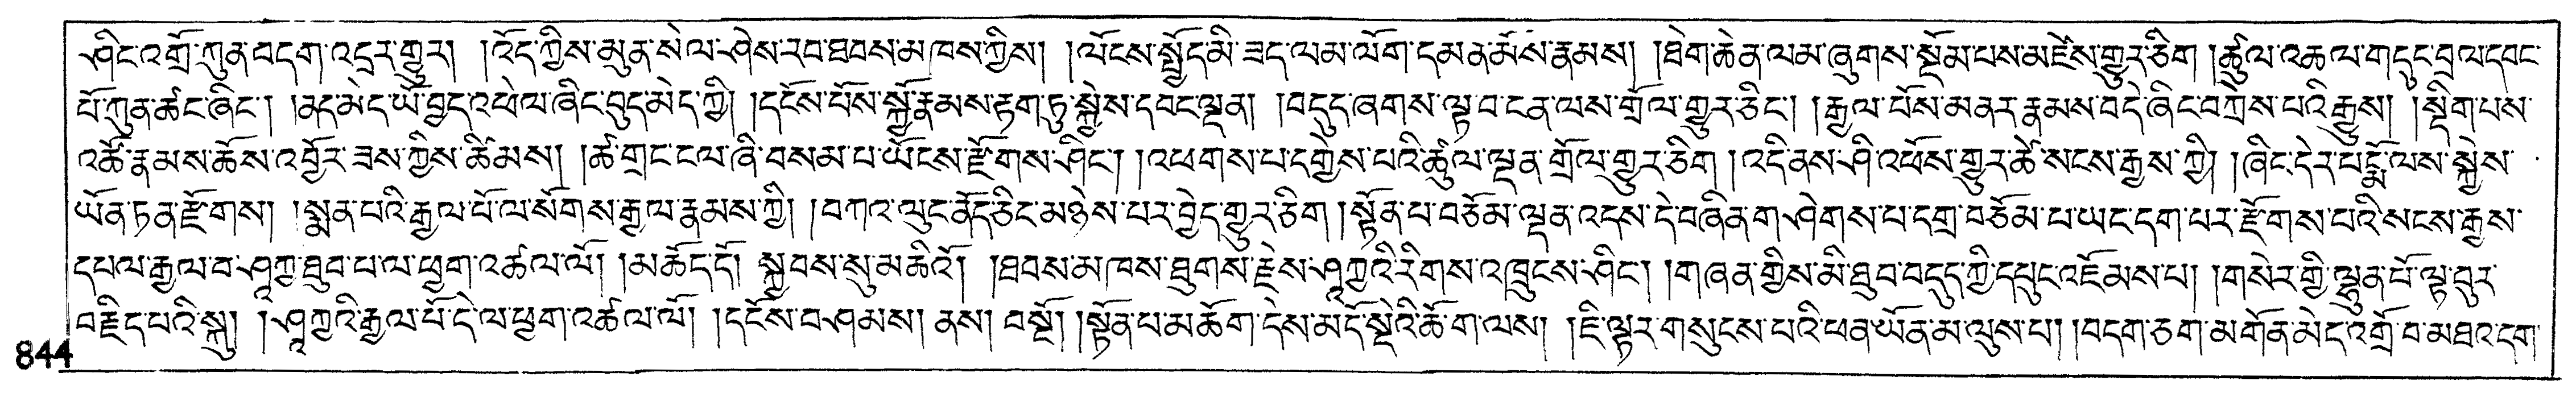ཤིང་འགྲོ་ཀུན་བདག་འདྲར་གྱུར། །འོད་ཀྱིས་མུན་སེལ་ཤེས་རབ་ཐབས་མཁས་ཀྱིས། །ལོངས་སྤྱོད་མི་ཟད་ལམ་ལོག་དམན་མོས་རྣམས། །ཐེག་ཆེན་ལམ་ཞུགས་སྡོམ་པས་མཛེས་གྱུར་ཅིག །ཚུལ་འཆལ་གདུང་བྲལ་དབང་
པོ་ཀུན་ཚང་ཞིང་། །ནད་མེད་ཡོ་བྱད་འཕེལ་ཞིང་བུད་མེད་ཀྱི། །དངོས་པོས་སྐྱོ་རྣམས་རྟག་ཏུ་སྐྱེས་དབང་ལྡན། །བདུད་ཞགས་ལྟ་བ་ངན་ལས་གྲོལ་གྱུར་ཅིང་། །རྒྱལ་པོས་མནར་རྣམས་བདེ་ཞིང་བཀྲེས་པའི་རྒྱུས། །སྡིག་པས་
འཚོ་རྣམས་ཆོས་འབྱོར་ཟས་ཀྱིས་ཚིམས། །ཚ་གྲང་ངལ་ཞི་བསམ་པ་ཡོངས་རྫོགས་ཤིང་། །འཕགས་པ་དགྱེས་པའི་ཚུལ་ལྡན་གྲོལ་གྱུར་ཅིག །འདི་ནས་ཤི་འཕོས་གྱུར་ཚེ་སངས་རྒྱས་ཀྱི། །ཞིང་དེར་པདམོ་ལས་སྐྱེས་
ཡོན་ཏན་རྫོགས། །སྨན་པའི་རྒྱལ་པོ་ལ་སོགས་རྒྱལ་རྣམས་ཀྱི། །བཀའ་ལུང་ནོད་ཅིང་མཉེས་པར་བྱེད་གྱུར་ཅིག །སྟོན་པ་བཅོམ་ལྡན་འདས་དེ་བཞིན་གཤེགས་པ་དགྲ་བཅོམ་པ་ཡང་དག་པར་རྫོགས་པའི་སངས་རྒྱས་
དཔལ་རྒྱལ་བ་ཤཱཀྱ་ཐུབ་པ་ལ་ཕྱག་འཚལ་ལོ། །མཆོད་དོ། སྐྱབས་སུ་མཆིའོ། །ཐབས་མཁས་ཐུགས་རྗེས་ཤཱཀྱའི་རིགས་འཁྲུངས་ཤིང་། །གཞན་གྱིས་མི་ཐུབ་བདུད་ཀྱི་དཔུང་འཇོམས་པ། །གསེར་གྱི་ལྷུན་པོ་ལྟ་བུར་
བརྗིད་པའི་སྐུ། །ཤཱཀྱའི་རྒྱལ་པོ་དེ་ལ་ཕྱག་འཚལ་ལོ། །དངོས་བཤམས། ནས། བསྔོ། །སྟོན་པ་མཆོག་དེས་མདོ་སྡེའི་ཆོ་ག་ལས། །ཇི་ལྟར་གསུངས་པའི་ཕན་ཡོན་མ་ལུས་པ། །བདག་ཅག་མགོན་མེད་འགྲོ་བ་མཐའ་དག་